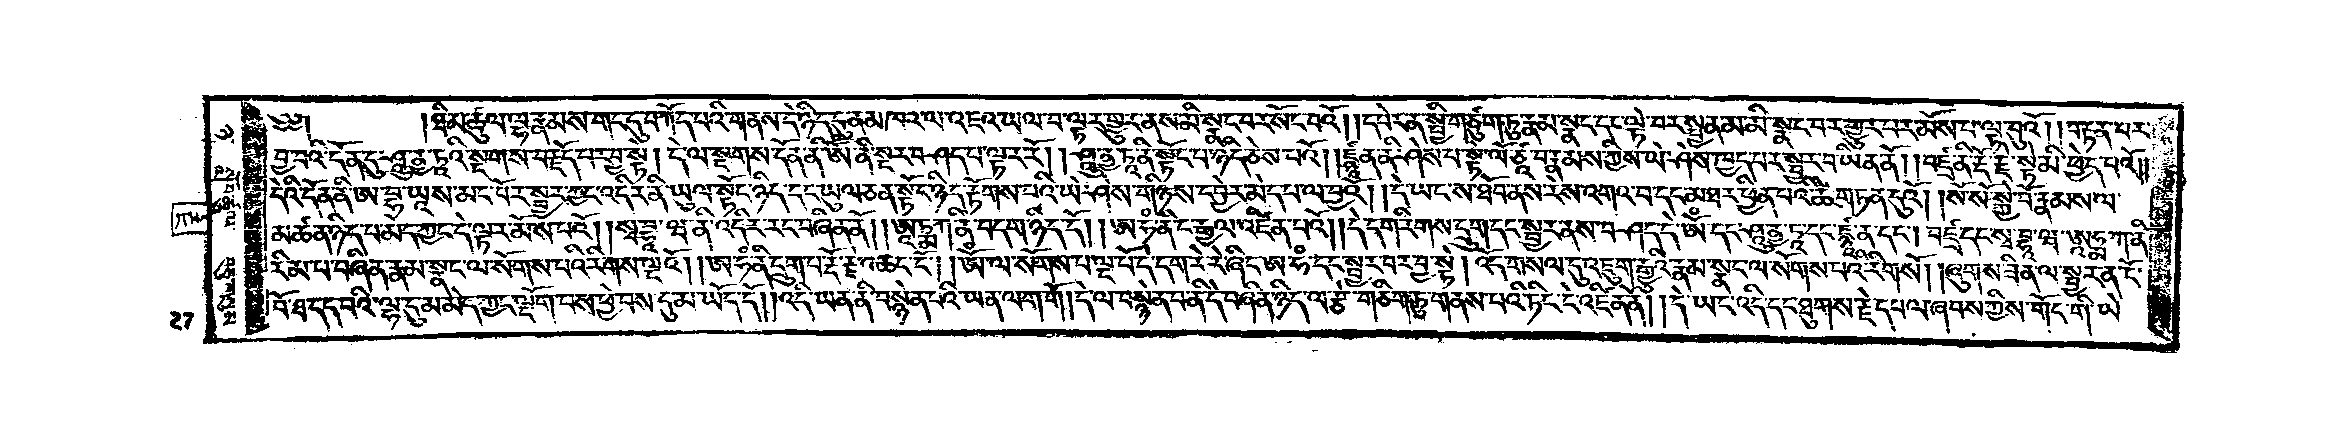༄༅། །ཐིམ་ཚུལ་ལྷ་རྣམས་གང་དུ་བཀོད་པའི་གནས་དེ་ཉིད་དུ་ནམ་མཁའ་ལ་འཇའ་ཡལ་བ་ལྟར་གྱུར་ནས་མི་སྣང་བར་སོང་བའོ། །དཔེར་ན་སྤྱི་གཙུག་ཏུ་རྣམ་སྣང་དང་ལྟེ་བར་སྤྱན་མ་མི་སྣང་བར་གྱུར་བར་མོས་པ་ལྟ་བུའོ། །བརྟན་པར་
བྱ་བའི་དོན་དུ་ཤཱུ་ཉ་ཏཱའི་སྔགས་བརྗོད་པར་བྱ་སྟེ། དེ་ལ་སྔགས་དོན་ནི་ཨོཾ་ནི་སྔར་བཤད་པ་ལྟར་རོ། །ཤཱུ་ཉ་ཏཱ་ནི་སྟོང་པ་ཉིད་ཅེས་པའོ། །ཛྙཱ་ན་ནི་ཤེས་པ་སྟེ་ལོ་ཙཱ་བ་རྣམས་ཀྱིས་ཡེ་ཤེས་ཁྱད་པར་སྦྱར་བ་ཡིན་ནོ། །བཛྲ་ནི་རྡོ་རྗེ་སྟེ་མི་ཕྱེད་པའོ། །
དེའི་དོན་ནི་ཨ་བྷ་ཡཱས་མང་པོར་སྦྱར་ཀྱང་འདིར་ནི་ཡུལ་སྟོང་ཉིད་དང་ཡུལ་ཅན་སྟོང་ཉིད་རྟོགས་པའི་ཡེ་ཤེས་གཉིས་དབྱེར་མེད་པ་ལ་བྱའོ། །དེ་ཡང་ས་ཐོབ་ནས་རེས་འགའ་བ་དང་མཐར་ཕྱིན་པའི་ཚེ་གཏན་དུའོ། །སོ་སོ་སྐྱེ་བོ་རྣམས་ལ་
མཚན་ཉིད་པ་མེད་ཀྱང་དེ་ལྟར་མོས་པའོ། །སྭ་བྷཱ་ཝ་ནི་འདིར་རང་བཞིན་ནོ། ཨཱཏྨཀ་ནི་བདག་ཉིད་དོ། །ཨ་ཧཾ་ནི་ང་རྒྱལ་འཛིན་པའོ། །དེ་དག་རིགས་དྲུག་དང་སྦྱར་ནས་བཤད་དེ་ཨོཾ་དང་ཨོཾ་དན་ཤཱུ་ཉ་ཏཱ་དང་ཛྙཱ་ན་དང་། བཛྲ་དང་སྭ་བྷཱ་ཝ་ཨཱཏྨ་ཀ་ནི་
རིམ་པ་བཞིན་རྣམ་སྣང་ལ་སོགས་པའི་རིགས་ལྔའོ། །ཨ་ཧཾ་ནི་དྲུག་པ་རྡོ་རྗེ་འཆང་ངོ། །ཨོཾ་ལ་སོགས་པ་ལྔ་པོ་དེ་དག་རེ་རེ་ཞིང་ཨ་ཧཾ་དང་སྦྱར་བར་བྱ་སྟེ། འོད་གསལ་དུ་འཇུག་རྒྱུའི་རྣམ་སྣང་ལ་སོགས་པའི་རིགས་སོ། །ཞུགས་ཟིན་ལ་སྦྱར་ན་ངོ་
བོ་ཐ་དད་པའི་ལྷ་དུ་མ་མེད་ཀྱང་ལྡོག་པས་ཕྱེ་བས་དུ་མ་ཡོད་དོ། །འདི་ཡན་ནི་བསྙེན་པའི་ཡན་ལག་གོ། དེ་ལ་བསྙེན་པ་ནི་དེ་བཞིན་ཉིད་ལ་རྩེ་གཅིག་ཏུ་གནས་པའི་ཏིང་ངེ་འཛིན་ནོ། །དེ་ཡང་འདི་དང་ཐུགས་རྗེ་དཔལ་ཞབས་ཀྱིས་གོང་གི་ཡེ་